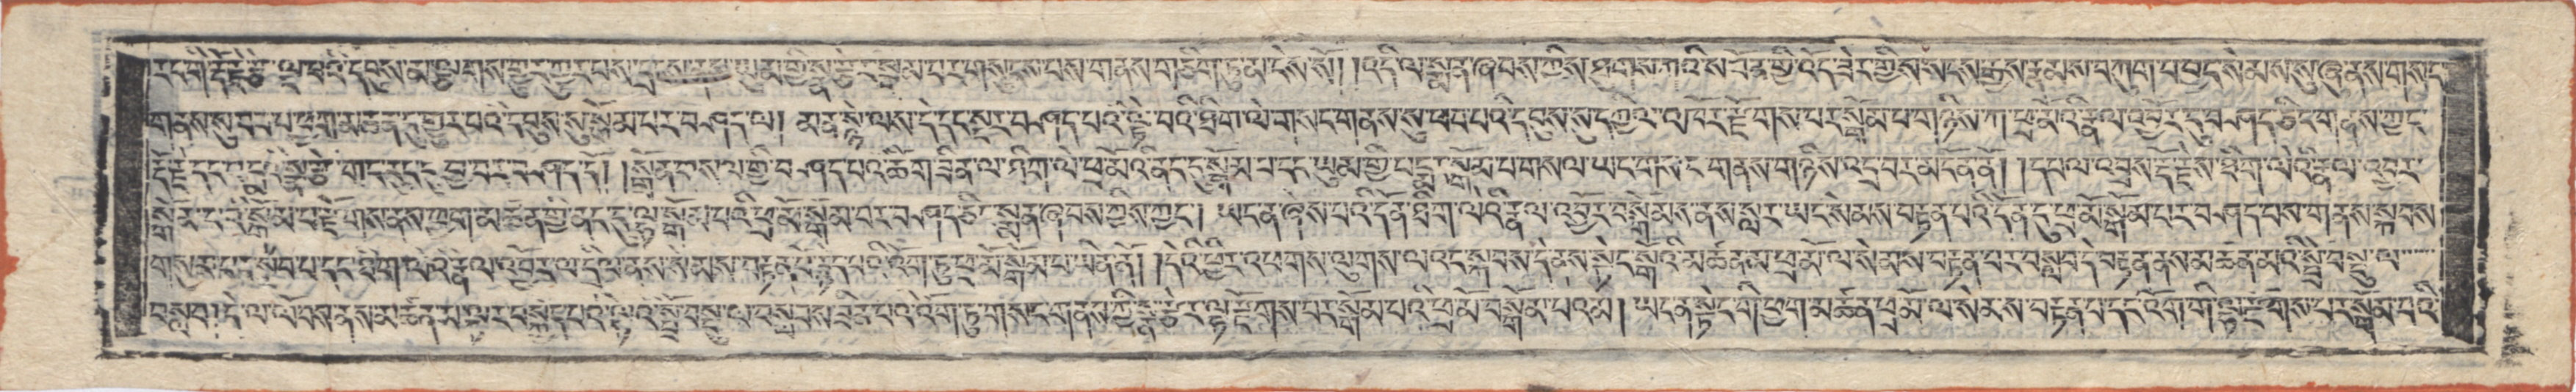རང་གི་རྡོ་རྗེ་རྩེ་ལྔ་པའི་དབུས་མ་ལྕགས་གྱུར་གྱུར་པས་དྲངས་ནས་ཡུམ་གྱི་སྣ་རྩེར་སྒོམ་པར་གསུངས་པས་གནས་གཅིག་ཏུ་མ་ངེས་སོ། །འདི་ལ་སྨན་ཞབས་ཀྱིས་ཐུགས་ཀའི་ས་བོན་གྱི་འོད་ཟེར་གྱིས་སངས་རྒྱས་རྣམས་བཀུག་པ་བྱང་སེམས་སུ་ཞུ་ནས་གསང་
གནས་སུ་བབ་པ་ཕྱག་མཚན་དུ་གྱུར་པའི་དབུས་སུ་སྒོམ་པར་བཤད་ལ། མན་སྙེ་ལས་དེ་དང་སྔར་བཤད་པའི་ལྟེ་བའི་ཐིག་ལེ་གསང་གནས་སུ་ཕབ་པའི་དབུས་སུ་དཀྱིལ་འཁོར་རྫོགས་པར་སྒོམ་པ་གཉིས་ཀ་ཕྲ་མོའི་རྣལ་འབྱོར་དུ་བཤད་ཅིང་གནས་ཀྱང་
རྡོ་རྗེ་དང་པདམའི་སྣ་རྩེ་གང་རུང་དུ་བྱ་བར་བཤད་དོ། །སྒྲོན་གསལ་གྱི་བཤད་པའི་ཚིག་ཟིན་ལ་ཐིག་ལེ་ཕྲ་མོའི་ནང་དུ་སྒོམ་པ་དང་ཡུམ་གྱི་པདམར་སྒོམ་པ་གསལ་ཡང་གསང་གནས་གཉིས་འདྲ་བར་མངོན་ནོ། །དཔལ་འབྲས་རྡོ་རྗེ་ཐིག་ལེའི་རྣལ་འབྱོར་
སྒོམ་པའི་སྒོམ་པ་རྫོགས་ནས་ཕྱག་མཚན་གྱི་ནང་དུ་ལྷ་སྒོམ་པའི་ཕྲ་མོ་སྒོམ་པར་བཤད་ཅིང་སྨན་ཞབས་ཀྱིས་ཀྱང་། ཡང་ན་ཞེས་པའི་དོན་ཐིག་ལེའི་རྣལ་འབྱོར་བསྒོམས་ནས་སླར་ཡང་སེམས་བརྟན་པའི་དོན་དུ་ཕྲ་མོ་སྒོམ་པར་བཤད་པས་གནས་སྐབས་
གསུམ་པར་སློབ་པ་དང་ཐིག་ལེའི་རྣལ་འབྱོར་ལ་དྲིལ་ནས་སེམས་བརྟན་པོ་རྙེད་པའི་འོག་ཏུ་ཕྲ་མོ་སྒོམ་པ་ཡིན་ནོ། །དེའི་ཕྱིར་འཕགས་ལུགས་ལའང་སྐབས་དེ་ནས་སྟེང་སྒོའི་མཚན་མ་ཕྲ་མོ་ལ་སེམས་བརྟན་པར་བསླབ་དེ་བརྟན་ནས་མཚན་མའི་སྦེ་བསྡུ་ལ་
བསླབ། དེ་ལ་ལོབས་ནས་མཚན་མ་ལྟར་བསྐྱེད་པའི་ལྷའི་སྤྲོ་བསྡུ་ལ་བསླབས་ཟིན་པའི་འོག་ཏུ་གསང་གནས་ཀྱི་སྣ་རྩེར་ལྷ་རྫོགས་པར་སྒོམ་པའི་ཕྲ་མོ་བསྒོམ་པའམ། ཡང་ན་སྟེང་གི་ཕྱག་མཚན་ཕྲ་མོ་ལ་སེམས་བརྟན་པ་དང་འོག་གི་ལྷ་རྫོགས་པར་སྒོམ་པའི་